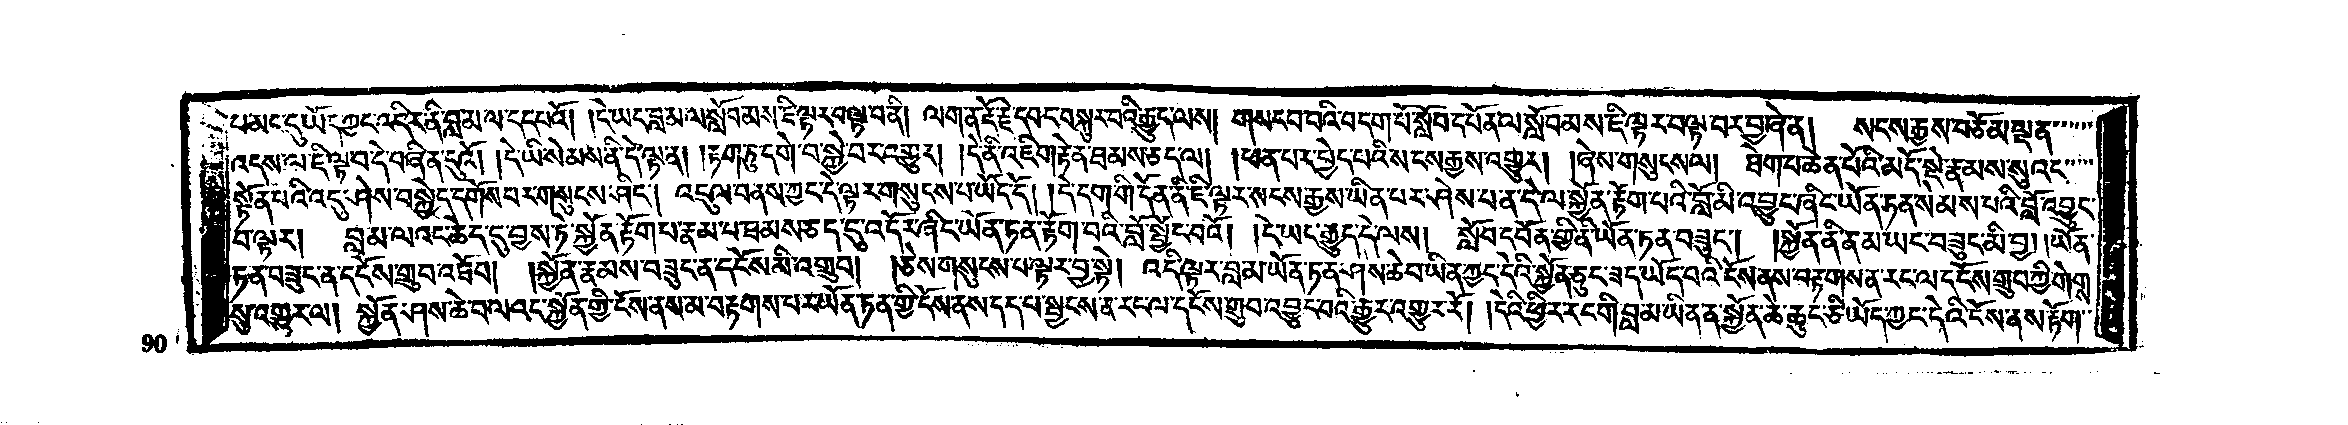པ་མང་དུ་ཡོད་ཀྱང་འདིར་ནི་བླ་མ་ལ་དད་པའོ། །དེ་ཡང་བླ་མ་ལ་སློབ་མས་ཇི་ལྟར་བལྟ་བ་ནི། ལག་ན་རྡོ་རྗེ་དབང་བསྐུར་བའི་རྒྱུད་ལས། གསང་བ་བའི་བདག་པོ་སློབ་དཔོན་ལ་སློབ་མས་ཇི་ལྟར་བལྟ་བར་བྱ་ཞེ་ན། སངས་རྒྱས་བཅོམ་ལྡན་
འདས་ལ་ཇི་ལྟ་བ་དེ་བཞིན་དུའོ། །དེ་ཡི་སེམས་ནི་དེ་ལྟ་ན། །རྟག་ཏུ་དགེ་བ་སྐྱེ་བར་འགྱུར། །དེ་ནི་འཇིག་རྟེན་ཐམས་ཅད་ལ། །ཕན་པར་བྱེད་པའི་སངས་རྒྱས་འགྱུར། །ཞེས་གསུངས་ལ། ཐེག་པ་ཆེན་པོའི་མདོ་སྡེ་རྣམས་སུའང་
སྟོན་པའི་འདུ་ཤེས་བསྐྱེད་དགོས་པར་གསུངས་ཤིང་། འདུལ་བ་ནས་ཀྱང་དེ་ལྟར་གསུངས་པ་ཡོད་དོ། །དེ་དག་གི་དོན་ནི་ཇི་ལྟར་སངས་རྒྱས་ཡིན་པར་ཤེས་པ་ན་དེ་ལ་སྐྱོན་རྟོག་པའི་བློ་མི་འབྱུང་ཞིང་ཡོན་ཏན་སེམས་པའི་བློ་འབྱུང་
བ་ལྟར། བླ་མ་ལའང་ཆེད་དུ་བྱས་ཏེ་སྐྱོན་རྟོག་པ་རྣམ་པ་ཐམས་ཅད་དུ་འདོར་ཞིང་ཡོན་ཏན་རྟོག་པའི་བློ་སྦྱོང་བའོ། །དེ་ཡང་རྒྱུད་དེ་ལས། སློབ་དཔོན་གྱི་ནི་ཡོན་ཏན་བཟུང་། །སྐྱོན་ནི་ནམ་ཡང་བཟུང་མི་བྱ། །ཡོན་
ཏན་བཟུང་ན་དངོས་གྲུབ་འཐོབ། །སྐྱོན་རྣམས་བཟུང་ན་དངོས་མི་འགྲུབ། །ཅེས་གསུངས་པ་ལྟར་བྱ་སྟེ། འདི་ལྟར་བླ་མ་ཡོན་ཏན་ཤས་ཆེ་བ་ཡིན་ཀྱང་དེའི་སྐྱོན་ཅུང་ཟད་ཡོད་པའི་ངོས་ནས་བརྟགས་ན་རང་ལ་དངོས་གྲུབ་ཀྱི་གེགས་
སུ་འགྱུར་ལ། སྐྱོན་ཤས་ཆེ་བ་ལའང་སྐྱོན་གྱི་ངོས་ནས་མ་བརྟགས་པར་ཡོན་ཏན་གྱི་ངོས་ནས་དད་པ་སྦྱངས་ན་རང་ལ་དངོས་གྲུབ་འབྱུང་བའི་རྒྱུར་འགྱུར་རོ། །དེའི་ཕྱིར་རང་གི་བླ་མ་ཡིན་ན་སྐྱོན་ཆེ་ཆུང་ཅི་ཡོད་ཀྱང་དེའི་ངོས་ནས་རྟོག་